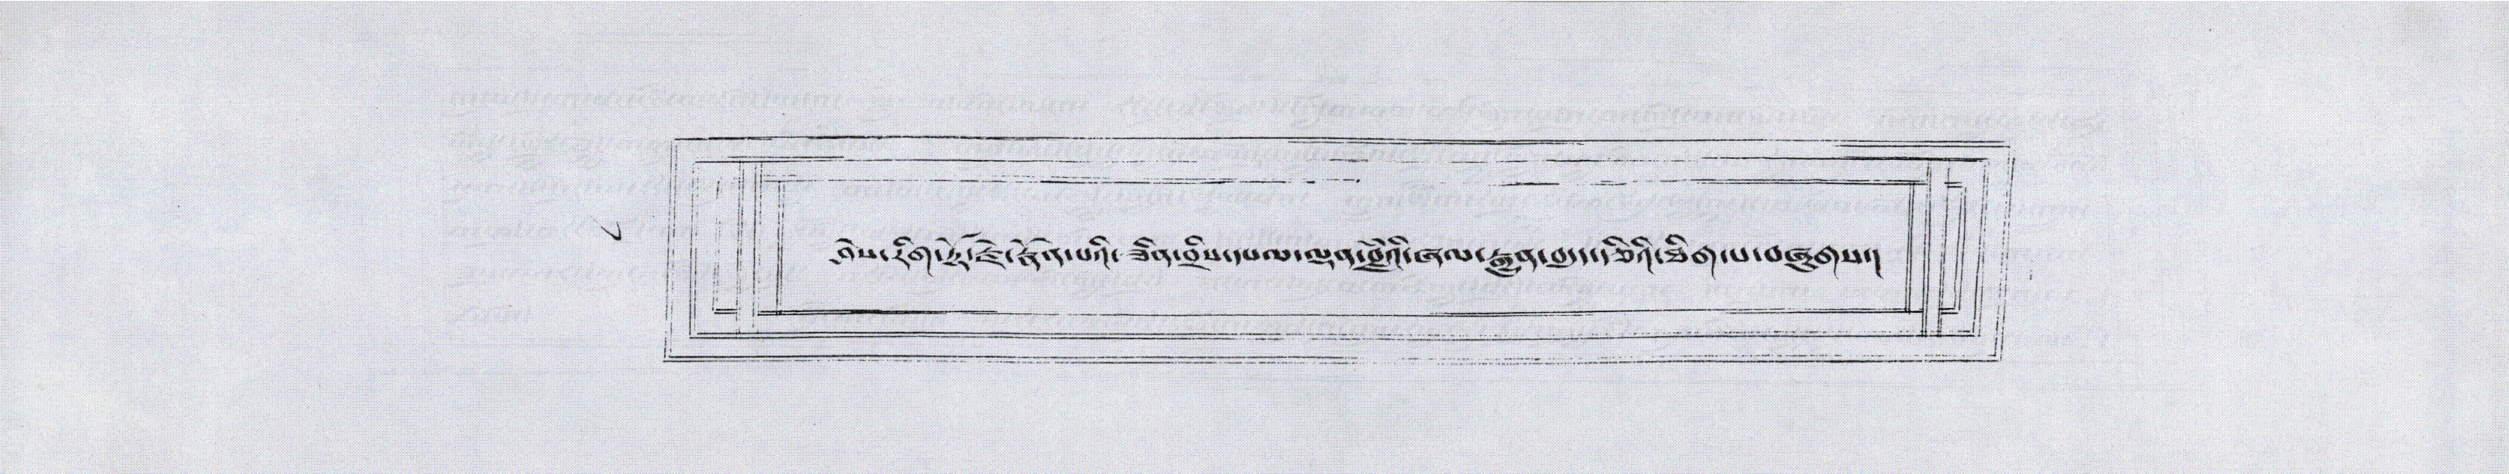ཤེས་རིག་རྡོ་རྗེ་རྣོན་པའི་ཟིན་བྲིས་དཔལ་ལྡན་བླ་མའི་ཞལ་རྒྱུན་བདུད་རྩིའི་ཐིགས་པ་བཞུགས་སོ།